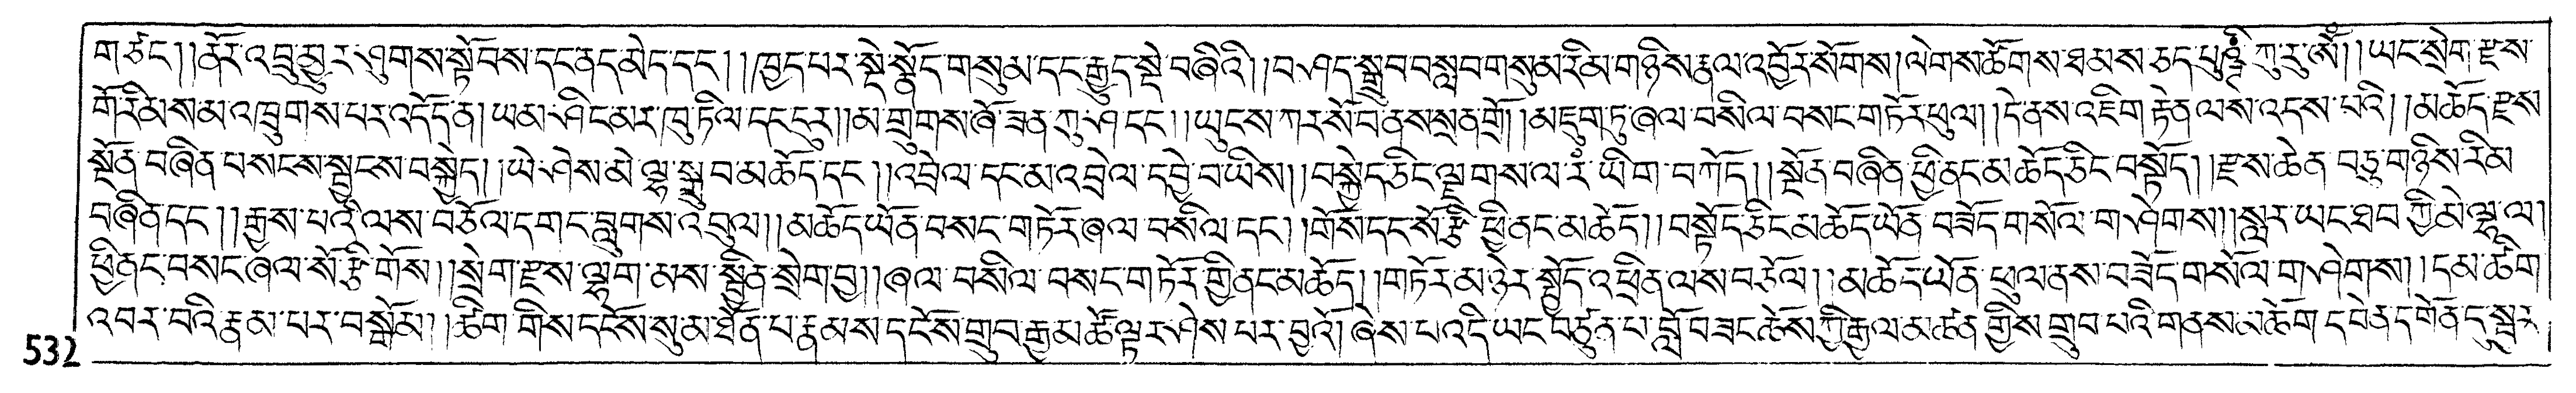གཙང་། །ནོར་འབྲུ་མྱུར་ཤུགས་སྟོབས་དང་ནད་མེད་དང་། །ཁྱད་པར་སྡེ་སྣོད་གསུམ་དང་རྒྱུད་སྡེ་བཞིའི། །བཤད་སྒྲུབ་བསླབ་གསུམ་རིམ་གཉིས་རྣལ་འབྱོར་སོགས། ལེགས་ཚོགས་ཐམས་ཅད་པུཥྚིཾ་ཀུ་རུ་ཨོཾ། །ཡང་སྲེག་རྫས་
གོ་རིམས་མ་འཁྲུགས་པར་འདོད་ན། ཡམ་ཤིང་མར་ཁུ་ཏིལ་དང་དུར། །མ་གྲུགས་ཞོ་ཟན་ཀུ་ཤ་དང་། །ཡུངས་ཀར་སོ་བ་ནས་སྲན་གྲོ། །མཇུག་ཏུ་ཞལ་བསིལ་བསང་གཏོར་ཕུལ། །དེ་ནས་འཇིག་རྟེན་ལས་འདས་པའི། །མཆོད་རྫས་
སྔོན་བཞིན་པ་སངས་སྦྱངས་བསྐྱེད། །ཡེ་ཤེས་མེ་ལྷ་སྒྲུབ་མཆོད་དང་། །འབྲེལ་དང་མ་འབྲེལ་དབྱེ་བ་ཡིས། །བསྐྱེད་ཅིང་ལྗགས་ལ་རཾ་ཡིག་བཀོད། །སྔོན་བཞིན་ཕྱི་ནང་མཆོད་ཅིང་བསྟོད། །རྫས་ཆེན་བཅུ་གཉིས་རིམ་
བཞིན་དང་། །རྒྱས་པའི་ལས་བཅོལ་དགང་བླུགས་འབུལ། །མཆོད་ཡོན་བསང་གཏོར་ཞལ་བསིལ་དང་། །གོས་དང་སོ་རྩི་ཕྱི་ནང་མཆོད། །བསྟོད་ཅིང་མཆོད་ཡོན་བཟོད་གསོལ་གཤེགས། །སླར་ཡང་ཐབ་ཀྱི་མེ་ལྷ་ལ།
ཕྱི་ནང་བསང་ཞལ་སོ་རྩི་གོས། །སྲེག་རྫས་ལྷག་མས་སྦྱིན་སྲེག་བྱ། །ཞལ་བསིལ་བསང་གཏོར་གྱི་ནང་མཆོད། །གཏོར་མ་ཉེར་སྤྱོད་འཕྲིན་ལས་བཅོལ། །མཆོད་ཡོན་ཕུལ་ནས་བཟོད་གསོལ་གཤེགས། །དམ་ཚིག་
འབར་བའི་རྣམ་པར་བསྒོམ། །ཚིག་གིས་དངོས་སུ་མ་ཐོན་པ་རྣམས་དངོས་གྲུབ་རྒྱ་མཚོ་ལྟར་ཤེས་པར་བྱའོ། ཞེས་པ་འདི་ཡང་བཙུན་པ་བློ་བཟང་ཆོས་ཀྱི་རྒྱལ་མཚན་གྱིས་གྲུབ་པའི་གནས་མཆོག་དབེན་དགོན་དུ་སྦྱར་